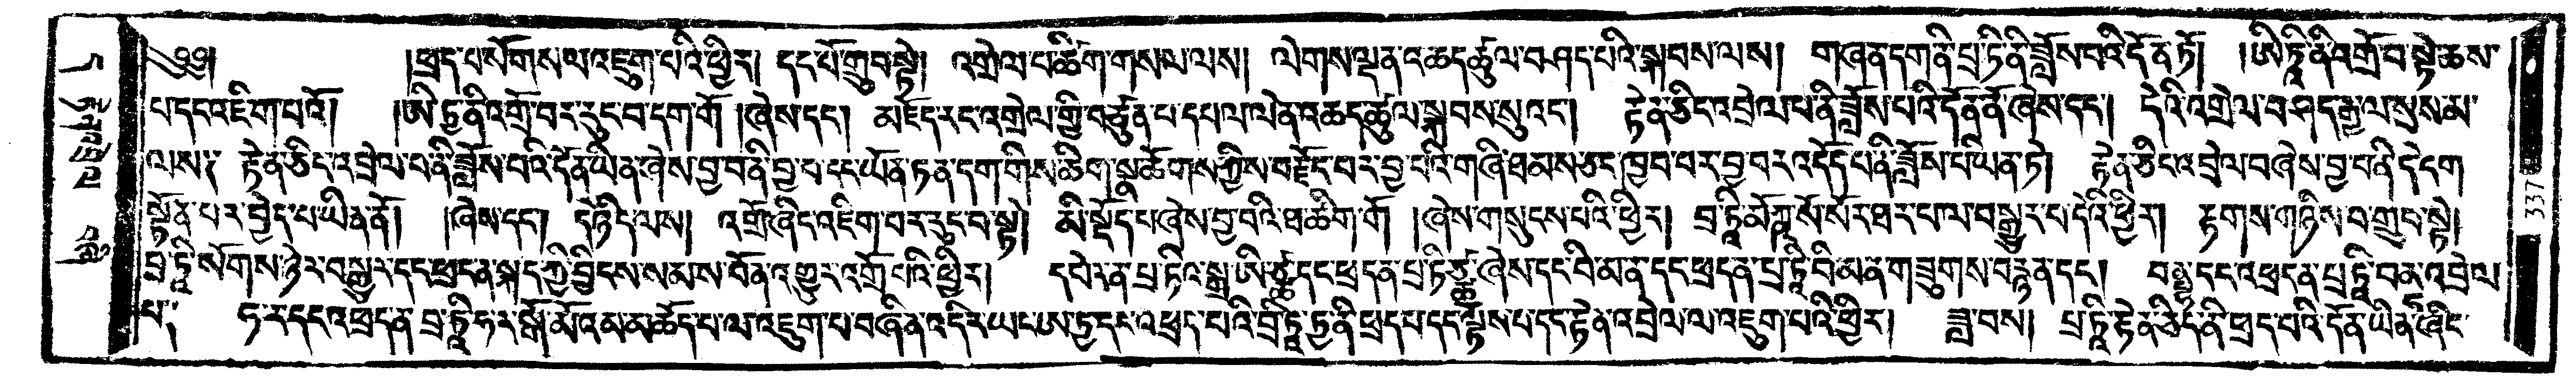༄༅། །ཕྲད་པ་སོགས་ལ་འཇུག་པའི་ཕྱིར། དང་པོ་གྲུབ་སྟེ། འགྲེལ་པ་ཚིག་གསལ་ལས། ལེགས་ལྡན་འཆད་ཚུལ་བཤད་པའི་སྐབས་ལས། གཞན་དག་ནི་པྲ་ཏི་ནི་ཟློས་པའི་དོན་ཏོ། །ཨི་ཏཱི་ནི་འགྲོ་བ་སྟེ་ཆས་
པ་དང་འཇིག་པའོ། །ཨི་ཏྱ་ནི་འགྲོ་བར་རུང་བ་དག་གོ །ཞེས་དང་། མཛོད་རང་འགྲེལ་གྱི་བཙུན་པ་དཔལ་ལེན་འཆད་ཚུལ་སྐབས་སུ་འང་། རྟེན་ཅིང་འབྲེལ་པ་ནི་ཟློས་པའི་དོན་ནོ་ཞེས་དང་། དེའི་འགྲེལ་བཤད་རྒྱལ་སྲས་མ་
ལས༑ རྟེན་ཅིང་འབྲེལ་བ་ནི་ཟློས་པའི་དོན་ཡིན་ཞེས་བྱ་བ་ནི་བྱ་བ་དང་ཡོན་ཏན་དག་གིས་ཚིག་སྣ་ཚོགས་ཀྱིས་བརྗོད་པར་བྱ་བའི་གཞི་ཐམས་ཅད་ཁྱབ་པར་བྱ་བར་འདོད་པ་ནི་ཟློས་པ་ཡིན་ཏེ། རྟེན་ཅིང་འབྲེལ་བ་ཞེས་བྱ་བ་ནི་དེ་དག་
སྟོན་པར་བྱེད་པ་ཡིན་ནོ། །ཞེས་དང་། དེ་ཉིད་ལས། འགྲོ་ཞིང་འཇིག་པར་རུང་བ་སྟེ། མི་སྡོད་པ་ཞེས་བྱ་བའི་ཐ་ཚིག་གོ །ཞེས་གསུངས་པའི་ཕྱིར། བྲ་ཏཱི་མོཀྵ་སོ་སོར་ཐར་པ་ལ་བསྒྱུར་བ་དེའི་ཕྱིར། རྟགས་གཉིས་པ་གྲུབ་སྟེ།
པྲ་ཏཱི་སོགས་ཉེར་བསྒྱུར་དང་ཕྲད་ན་སྐད་ཀྱི་བྱིངས་སམ་ས་བོན་འགྱུར་འགྲོ་བའི་ཕྱིར། དཔེར་ན་པྲ་ཏའི་སྒྲ་ཨི་ཙྪ་དང་ཕྲད་ན་པྲ་ཏིཙྪ་ཞེས་དང་བི་མ་ན་དང་ཕྲད་ན་པྲ་ཏཱི་བི་མན་གཟུགས་བརྙན་དང་། བནྡྷ་དང་འཕྲད་ན་པྲ་ཏཱི་བནྡྷ་འབྲེལ་
པ༑ ཧ་ར་དང་འཕྲད་ན་པྲ་ཏཱི་ཧ་ར་སྒོ་མོའམ་མཆོད་པ་ལ་འཇུག་པ་བཞིན་འདིར་ཡང་ཨ་ཏྱ་དང་འཕྲད་པའི་བྲི་ཏཱ་ཏྱ་ནི་ཕྲད་པ་དང་ལྟོས་པ་དང་རྟེན་འབྲེལ་ལ་འཇུག་པའི་ཕྱིར། ཟླ་བས། པྲ་ཏཱི་རྟེན་ཅིང་ནི་ཕྲད་པའི་དོན་ཡིན་ཞིང་